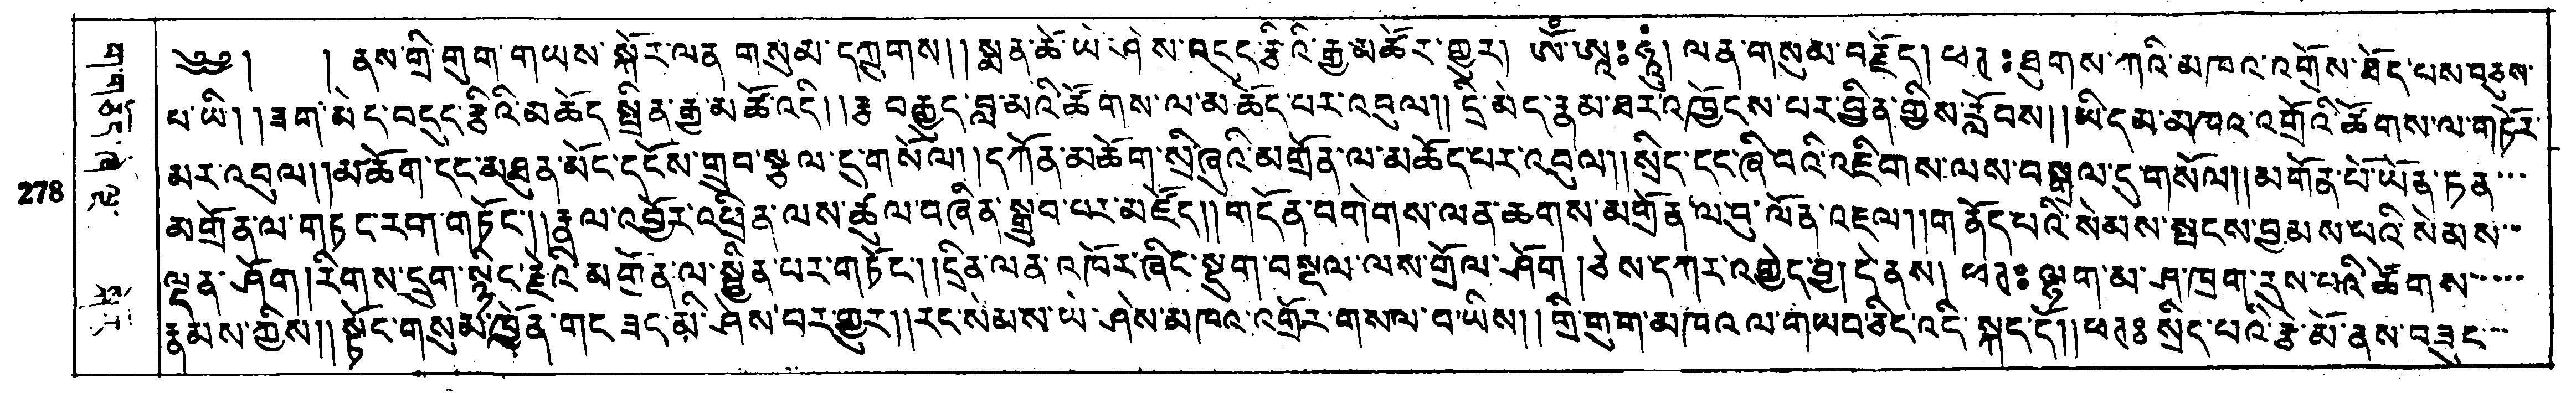༄༅། །ནས་གྲི་གུག་གཡས་སྐོར་ལན་གསུམ་དཀྲུགས། །སྨན་ཚེ་ཡེ་ཤེས་བདུད་རྩིའི་རྒྱ་མཚོར་གྱུར། ཨོཾ་ཨཱཿ ཧཱུཾ། ལན་གསུམ་བརྗོད། ཕཊཿ ཐུགས་ཀའི་མཁའ་འགྲོས་ཐོད་པས་བཅུས་
པ་ཡི། །ཟག་མེད་བདུད་རྩིའི་མཆོད་སྤྲིན་རྒྱ་མཚོ་འདི། །རྩ་བརྒྱུད་བླ་མའི་ཚོགས་ལ་མཆོད་པར་འབུལ། །དྲི་མེད་རྣམ་ཐར་འཁྱོངས་པར་བྱིན་གྱིས་རློབས། །ཡི་དམ་མཁའ་འགྲོའི་ཚོགས་ལ་གཏོར་
མར་འབུལ། །མཆོག་དང་མཐུན་མོང་དངོས་གྲུབ་སྩལ་དུ་གསོལ། །དཀོན་མཆོག་སྲི་ཞུའི་མགྲོན་ལ་མཆོད་པར་འབུལ། །སྲིད་དང་ཞི་བའི་འཇིགས་ལས་བསྒྲལ་དུ་གསོལ། །མགོན་པོ་ཡོན་ཏན་
མགྲོན་ལ་གཏང་རག་གཏོང་། །རྣལ་འབྱོར་འཕྲིན་ལས་ཚུལ་བཞིན་སྒྲུབ་པར་མཛོད། །གདོན་བགེགས་ལན་ཆགས་མགྲོན་ལ་བུ་ལོན་འཇལ། །གནོད་པའི་སེམས་སྤངས་བྱམས་པའི་སེམས་
ལྡན་ཤོག །རིགས་དྲུག་སྙིང་རྗེའི་མགྲོན་ལ་སྦྱིན་པར་གཏོང་། །དྲིན་ལན་འཁོར་ཞིང་སྡུག་བསྔལ་ལས་གྲོལ་ཤོག །ཅེས་དཀར་འགྱེད་བྱ། དེ་ནས། ཕཊཿ ལྷག་མ་ཤ་ཁྲག་རུས་པའི་ཚོགས་
རྣམས་ཀྱིས། །སྟོང་གསུམ་ཁྱོན་གང་ཟང་མི་ཤེས་པར་གྱུར། །རང་སེམས་ཡེ་ཤེས་མཁའ་འགྲོར་གསལ་བ་ཡིས། །གྲི་གུག་མཁའ་ལ་གཡབ་ཅིང་འདི་སྐད་དོ། །ཕཊཿ སྲིད་པའི་རྩེ་མོ་ནས་བཟུང་